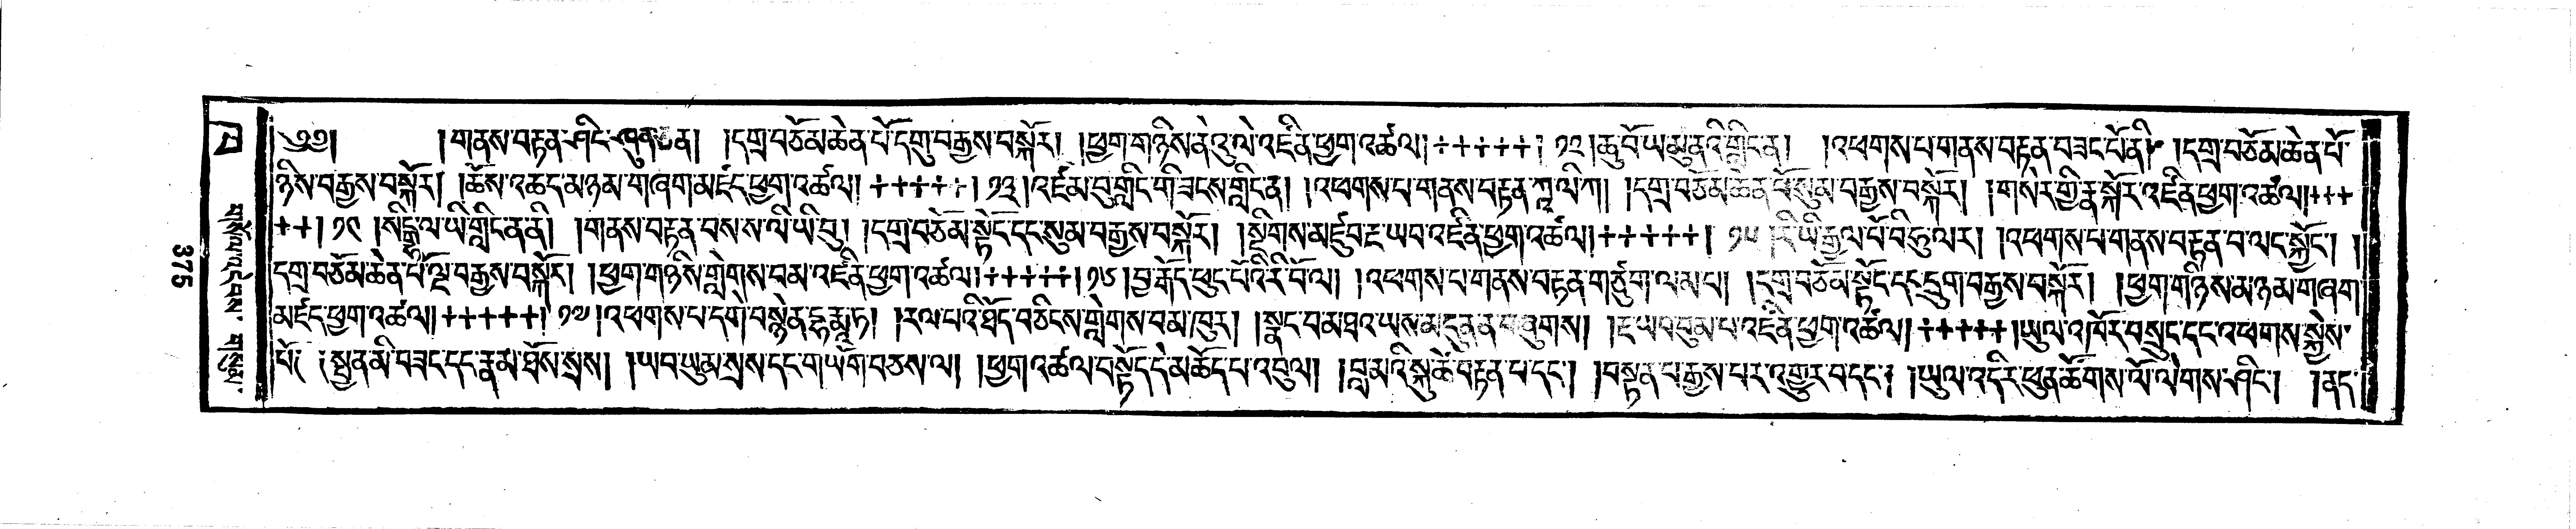༄༅། །གནས་བརྟན་ཤིང་ཤུན་ཅན། །དགྲ་བཅོམ་ཆེན་པོ་དགུ་བརྒྱས་བསྐོར། །ཕྱག་གཉིས་ནེའུ་ལེ་འཛིན་ཕྱག་འཚལ། +++++། ༡༢་།ཆུ་བོ་ཡ་མུ་ནའི་གླིང་ན། །འཕགས་པ་གནས་བརྟན་བཟང་པོ་ནི། །དགྲ་བཅོམ་ཆེན་པོ་
ཉིས་བརྒྱས་བསྐོར། །ཆོས་འཆད་མཉམ་གཞག་མཛད་ཕྱག་འཚལ། +++++། ༡༣་།འཛམ་བུ་གླིང་གི་ཟངས་གླིང་ན། །འཕགས་པ་གནས་བརྟན་ཀཱ་ལི་ཀ། །དགྲ་བཅོམ་ཆེན་པོ་སུམ་བརྒྱས་བསྐོར། །གསེར་གྱི་རྣ་སྐོར་འཛིན་ཕྱག་འཚལ། +++
++། ༡༤་།སིངྒྷ་ལ་ཡི་གླིང་ན་ནི། །གནས་བརྟན་བས་ས་ལི་ཡི་བུ། །དགྲ་བཅོམ་སྟོང་དང་སུམ་བརྒྱས་བསྐོར། །སྡིགས་མཛུབ་རྔ་ཡབ་འཛིན་ཕྱག་འཚལ། +++++། ༡༥་།རི་ཡི་རྒྱལ་པོ་བི་ཧུ་ལར། ། འཕགས་པ་གནས་བརྟན་བ་ལང་སྐྱོང་། །
དགྲ་བཅོམ་ཆེན་པོ་ལྔ་བརྒྱས་བསྐོར། །ཕྱག་གཉིས་གླེགས་བམ་འཛིན་ཕྱག་འཚལ། +++++། ༡༦་།བྱ་རྒོད་ཕུང་པོའི་རི་བོ་ལ། །འཕགས་པ་གནས་བརྟན་གཙུག་ལམ་པ། །དགྲ་བཅོམ་སྟོང་དང་དྲུག་བརྒྱས་བསྐོར། །ཕྱག་གཉིས་མཉམ་གཞག་
མཛད་ཕྱག་འཚལ། +++++། ༡༧་།འཕགས་པ་དགེ་བསྙེན་དྷ་རྨཱ་ཏ། །རལ་པའི་ཐོད་བཅིངས་གླེགས་བམ་ཁུར། །སྣང་བ་མཐའ་ཡས་མདུན་ན་བཞུགས། །རྔ་ཡབ་བུམ་པ་འཛིན་ཕྱག་འཚལ། +++++་།ཡུལ་འཁོར་བསྲུང་དང་འཕགས་སྐྱེས་
པོ༑ ༑སྤྱན་མི་བཟང་དང་རྣམ་ཐོས་སྲས། །ཡབ་ཡུམ་སྲས་དང་གཡོག་བཅས་ལ། །ཕྱག་འཚལ་བསྟོད་དེ་མཆོད་པ་འབུལ། །བླ་མའི་སྐུ་ཚེ་བརྟན་པ་དང་། །བསྟན་པ་རྒྱས་པར་འགྱུར་བ་དང་། །ཡུལ་འདིར་ཕུན་ཚོགས་ལོ་ལེགས་ཤིང་། །ནད་